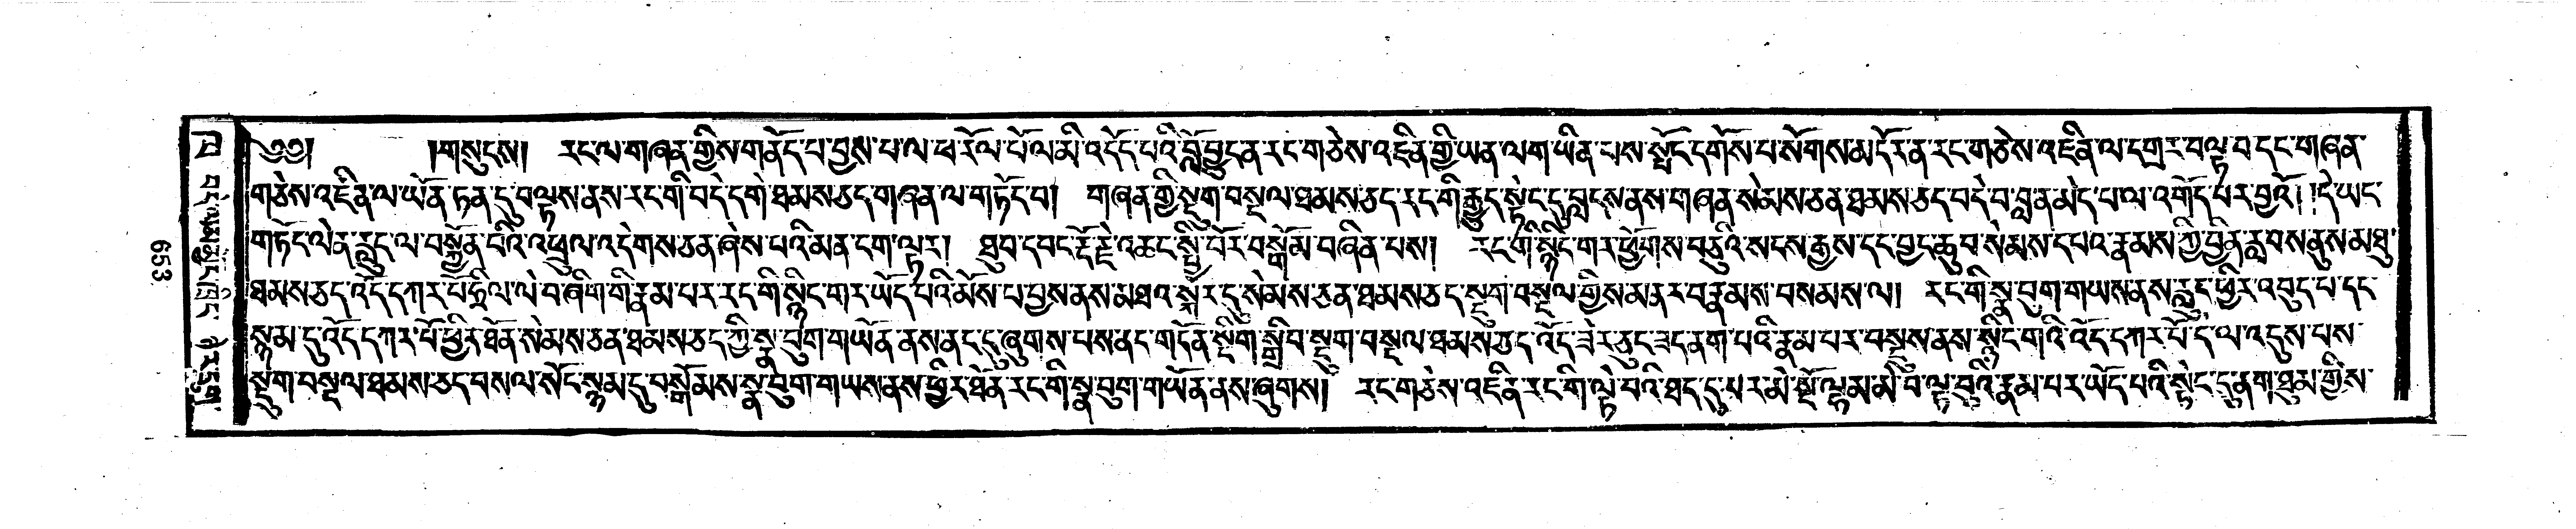༄༅། །གསུངས། རང་ལ་གཞན་གྱིས་གནོད་པ་བྱས་པ་ལ་ཕ་རོལ་པོ་ལ་མི་འདོད་པའི་བློ་བྱུང་ན་རང་གཅེས་འཛིན་གྱི་ཡན་ལག་ཡིན་པས་སྤོང་དགོས་པ་སོགས་མདོར་ན་རང་གཅེས་འཛིན་ལ་དགྲར་བལྟ་བ་དང་གཞན་
གཅེས་འཛིན་ལ་ཡོན་ཏན་དུ་བལྟས་ནས་རང་གི་བདེ་དགེ་ཐམས་ཅད་གཞན་ལ་གཏོང་བ། གཞན་གྱི་སྡུག་བསྔལ་ཐམས་ཅད་རང་གི་རྒྱུད་སྟེང་དུ་བླངས་ནས་གཞན་སེམས་ཅན་ཐམས་ཅད་བདེ་བ་བླ་ན་མེད་པ་ལ་འགོད་པར་བྱའོ། །དེ་ཡང་
གཏོང་ལེན་རླུང་ལ་བསྐྱོན་པའི་འཕྲུལ་འདེགས་ཅན་ཞེས་པའི་མན་ངག་ལྟར། ཐུབ་དབང་རྡོ་རྗེ་འཆང་སྤྱི་བོར་བསྒོམ་བཞིན་པས། རང་གི་སྙིང་གར་ཕྱོགས་བཅུའི་སངས་རྒྱས་དང་བྱང་ཆུབ་སེམས་དཔའ་རྣམས་ཀྱི་བྱིན་རླབས་ནུས་མཐུ་
ཐམས་ཅད་འོད་དཀར་པོ་ཧྲིལ་ལེ་བ་ཞིག་གི་རྣམ་པར་རང་གི་སྙིང་གར་ཡོད་པའི་མོས་པ་བྱས་ནས་མཐའ་སྐར་དུ་སེམས་ཅན་ཐམས་ཅད་སྡུག་བསྔལ་གྱིས་མནར་བ་རྣམས་བསམས་ལ། རང་གི་སྣ་བུག་གཡས་ནས་རླུང་ཕྱིར་འབུད་པ་དང་
སྙམ་དུ་འོད་དཀར་པོ་ཕྱིར་ཐོན་སེམས་ཅན་ཐམས་ཅད་ཀྱི་སྣ་བུག་གཡོན་ནས་ནང་དུ་ཞུགས་པས་ནང་གདོན་སྡིག་སྒྲིབ་སྡུག་བསྔལ་ཐམས་ཅད་འོད་ཟེར་ཅུང་ཟད་ནག་པའི་རྣམ་པར་བསྡུས་ནས་སྙིང་གའི་འོད་དཀར་པོ་དེ་ལ་འདུས་པས་
སྡུག་བསྔལ་ཐམས་ཅད་བསལ་སོང་སྙམ་དུ་བསྒོམས་སྣ་བུག་གཡས་ནས་ཕྱིར་ཐོན་རང་གི་སྣ་བུག་གཡོན་ནས་ཞུགས། རང་གཅེས་འཛིན་རང་གི་ལྟེ་བའི་ཐད་དུ་པར་མི་སྔོ་ལྷ་མ་མེ་བ་ལྟ་བུའི་རྣམ་པར་ཡོད་པའི་སྟེང་དུ་ནག་ཐུམ་གྱིས་